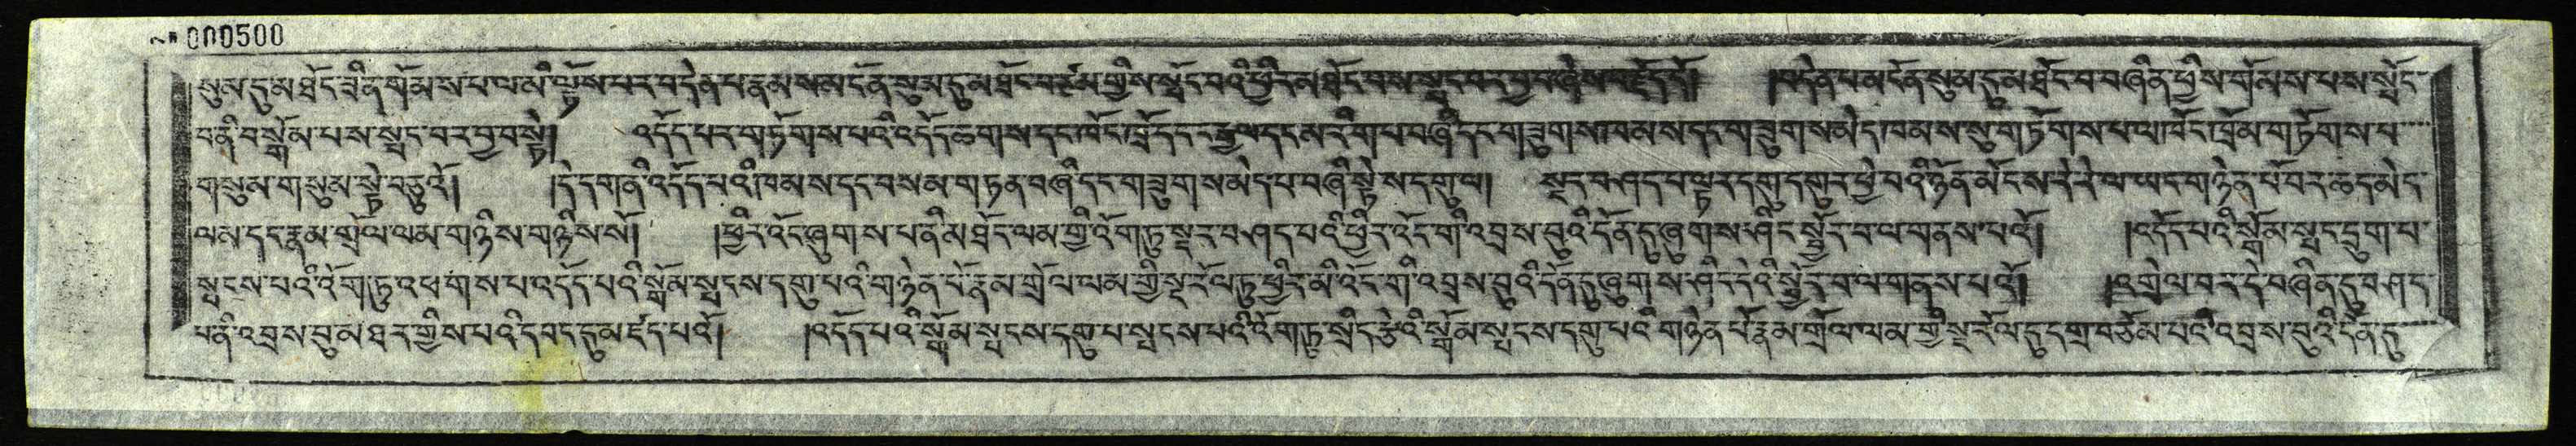སུམ་དུ་མཐོང་ཟིན་གོམས་པ་ལ་མི་ལྟོས་པར་བདེན་པ་རྣམས་མངོན་སུམ་དུ་མཐོང་པ་ཙམ་གྱིས་སྤོང་བའི་ཕྱིར་མཐོང་བས་སྤང་བར་བྱ་བ་ཞེས་བརྗོད་དོ། །བདེན་པ་མངོན་སུམ་དུ་མཐོང་བ་བཞིན་ཕྱིས་གོམས་པས་སྤོང་
བ་ནི་བསྒོམ་པས་སྤང་བར་བྱ་བ་སྟེ། འདོད་པར་གཏོགས་པའི་འདོད་ཆགས་དང་ཁོང་ཁྲོ་དང་ང་རྒྱལ་དང་མ་རིག་པ་བཞི་དང་གཟུགས་ཁམས་དང་གཟུགས་མེད་ཁམས་སུ་གཏོགས་པ་ལ་ཁོང་ཁྲོ་མ་གཏོགས་པ་
གསུམ་གསུམ་སྟེ་བཅུའོ། །དེ་དག་ནི་འདོད་པའི་ཁམས་དང་བསམ་གཏན་བཞི་དང་གཟུགས་མེད་པ་བཞི་སྟེ་ས་དགུ་ལ། སྔར་བཤད་པ་ལྟར་དགུ་དགུར་ཕྱེ་བའི་ཉོན་མོངས་རེ་རེ་ལ་ཡང་གཉེན་པོ་བར་ཆད་མེད་
ལམ་དང་རྣམ་གྲོལ་ལམ་གཉིས་གཉིས་སོ། །ཕྱིར་འོང་ཞུགས་པ་ནི་མཐོང་ལམ་གྱི་འོག་ཏུ་སྔར་བཤད་པའི་ཕྱིར་འོང་གི་འབྲས་བུའི་དོན་དུ་ཞུགས་ཤིང་སྦྱོར་བ་ལ་གནས་པའོ། །འདོད་པའི་སྒོམ་སྤང་དྲུག་པ་
སྤངས་པའི་འོག་ཏུ་འཕགས་པ་འདོད་པའི་སྒོམ་སྤངས་དགུ་པའི་གཉེན་པོ་རྣམ་གྲོལ་མ་གྱི་སྔ་རོལ་ཏུ་ཕྱིར་མི་འོང་གི་འབྲས་བུའི་དོན་དུ་ཞུགས་ཤིང་དེའི་སྦྱོར་བ་ལ་གནས་པའོ། །འགྲེལ་བར་དེ་བཞིན་དུ་བཤད་
པ་ནི་འབྲས་བུ་མཐར་གྱིས་པའི་དབང་དུ་མཛད་པའོ། །འདོད་པའི་སྒོམ་སྤངས་དགུ་པ་སྤངས་པའི་འོག་ཏུ་སྲིད་རྩེའི་སྒོམ་སྤངས་དགུ་པའི་གཉེན་པོ་རྣམ་གྲོལ་ལམ་གྱི་སྔ་རོལ་དུ་དགྲ་བཅོམ་པའི་འབྲས་བུའི་དོན་དུ་